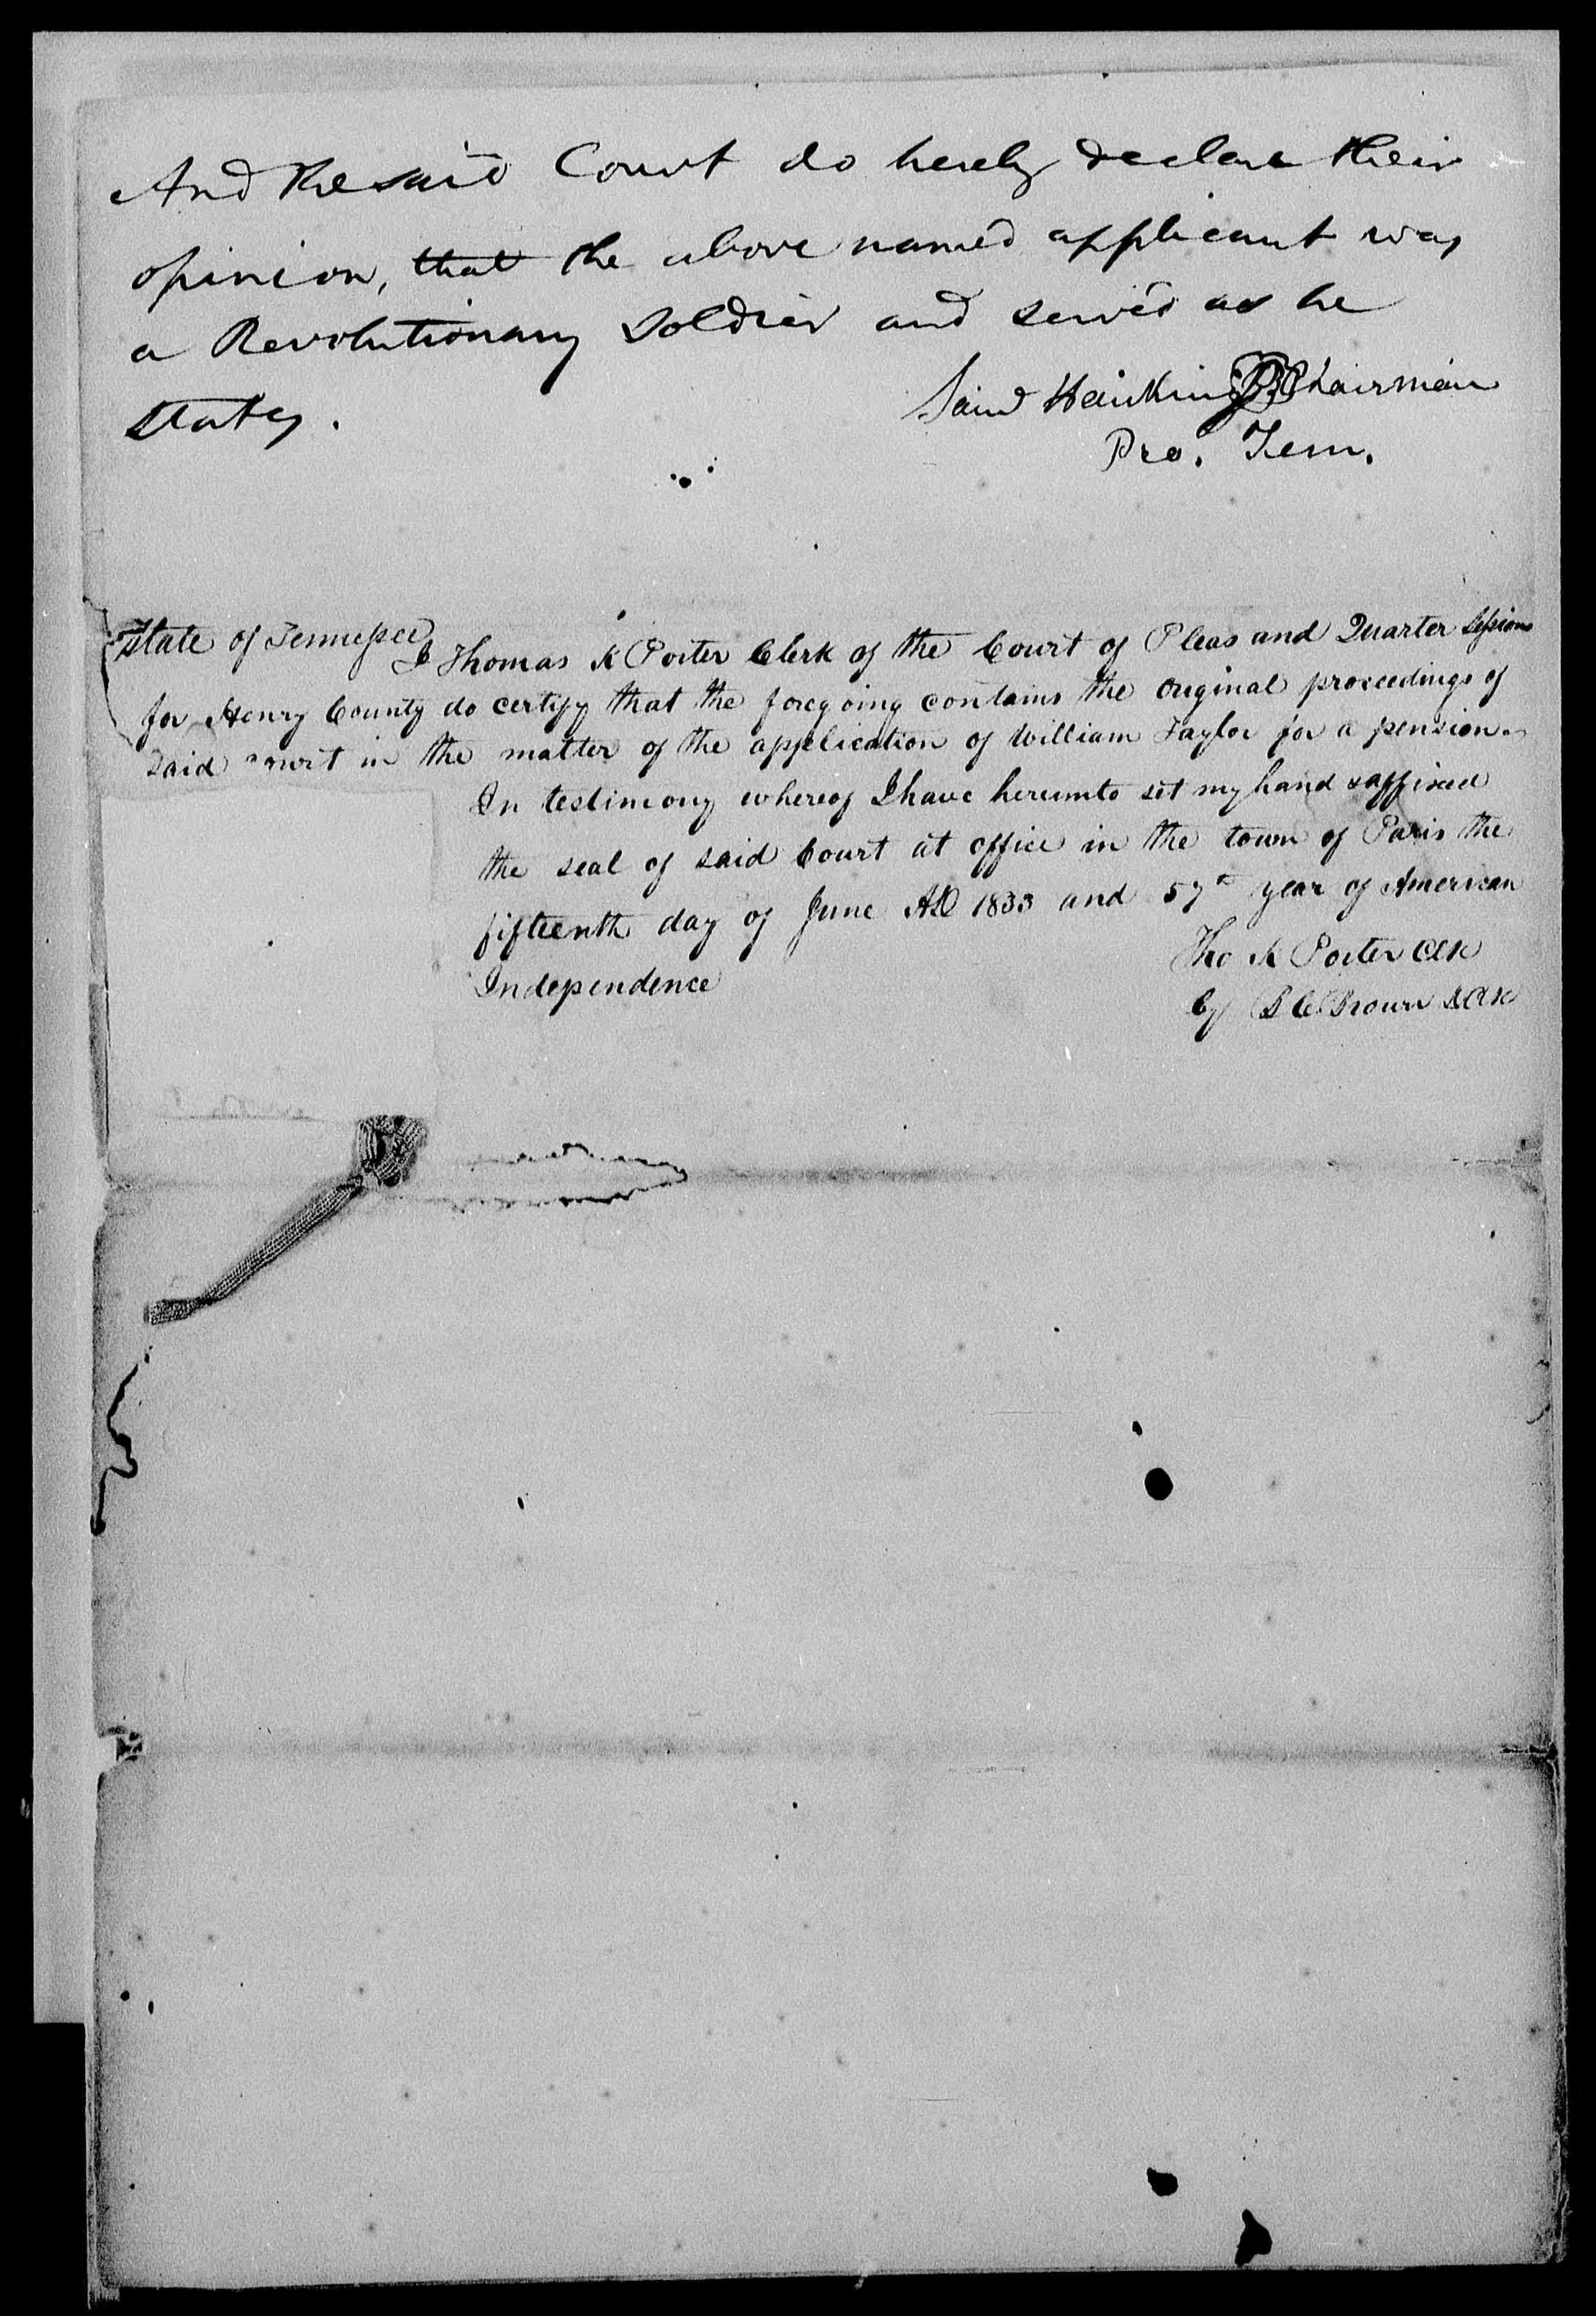And the said Court do hereby declare their opinion, that the above named applicant was a Revolutionary soldier and served as he states.
Saml. Hairking Chairman
Pro. Tem.

State of Tennessee 
I Thomas K Porter Clerk of the Court of Pleas and Quarter Sessions for Henry County do certify that the foregoing contains the original proceedings of said court in the matter of the application of William Taylor for a pension.
In testimony whereof I have hereunto set my hand & affixed the seal of said Court at office in the town of Paris the fifteenth day of June AD 1833 and 57th year of American Independence.
Tho K Porter Clk
by B C Brown SClk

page: 4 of 33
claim: rejected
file: R 10439, for William Taylor, North Carolina